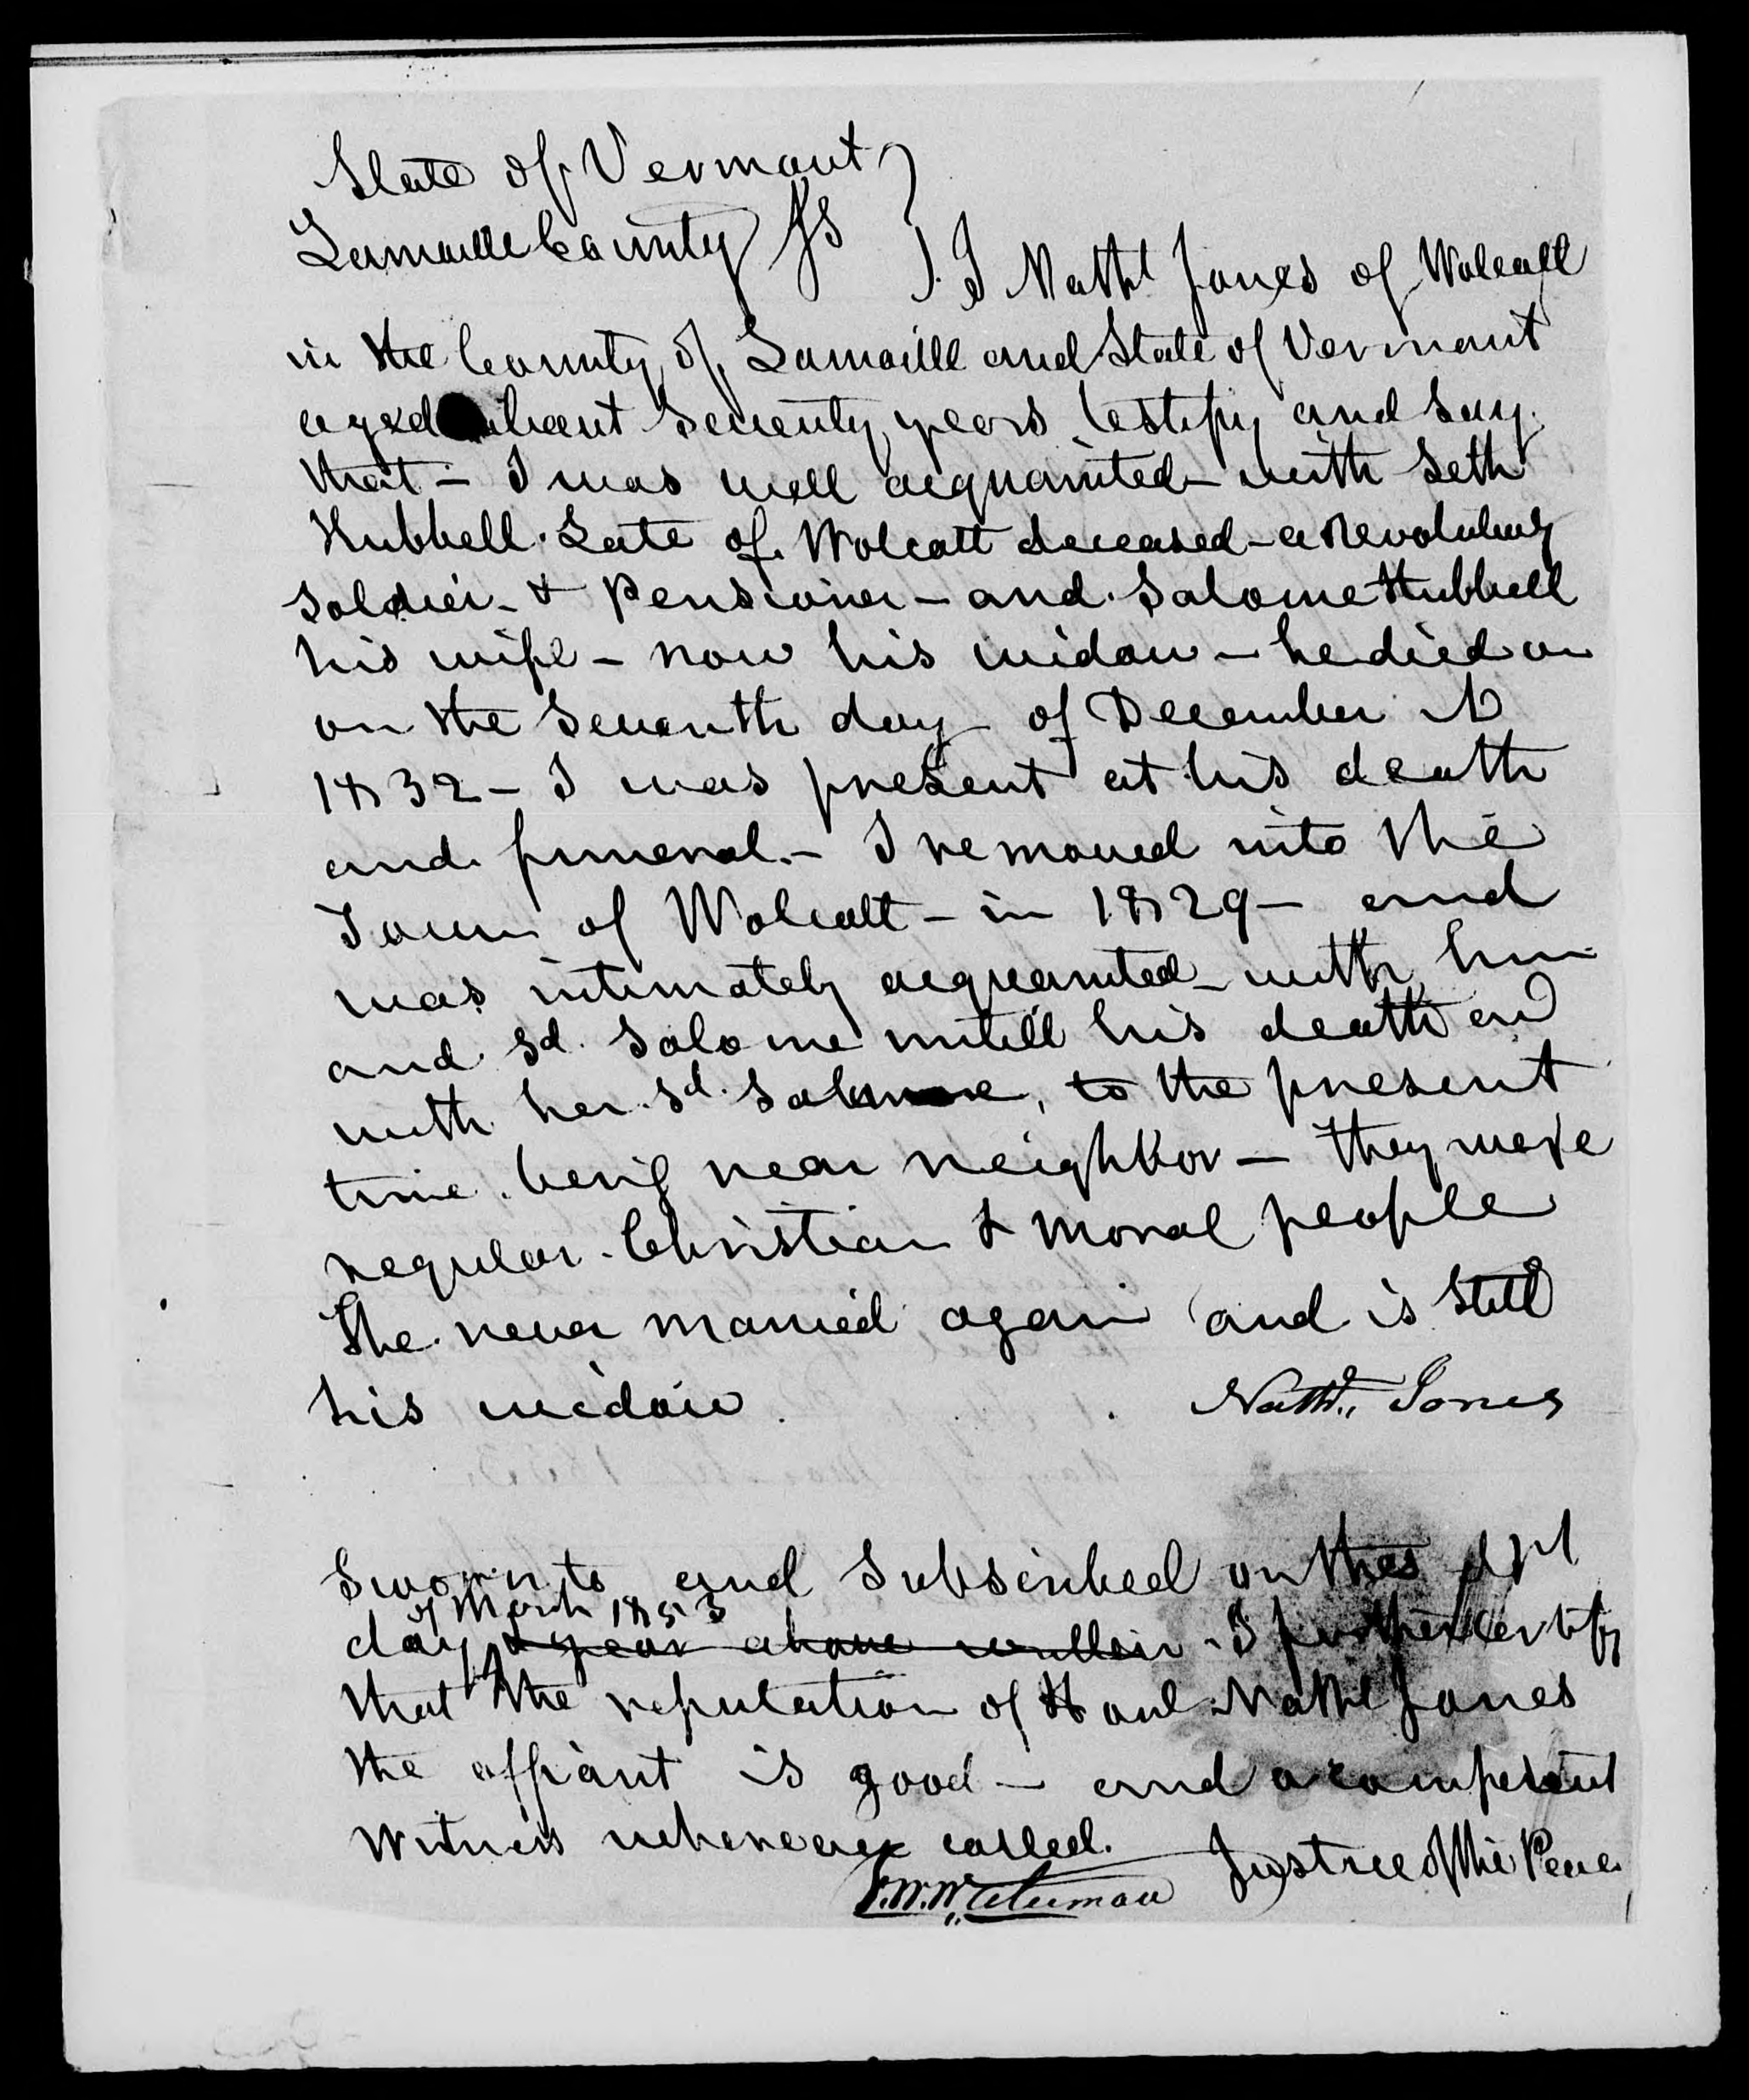State of Vermont    }
Lamoille County ss } I Nathl. Jones of Walcott in the County of Lamoille and state of Vermont aged about seventy yeers [sic] testify and say that  - I was well acquainted - with Seth Hubbell late of Walcott deceased - a revolutionary soldier & pensioner - and Salome Hubbell his wife - now his widow - he died on on the seventh day of December AD 1832 - I was present at his death and funeral - I removed into the town of Wolcott - in 1829 - and was intimately acquainted - with him and sd Salome untill his death and with her sd Salome to the present time being near neighbor - the were regular Christian & moral people She never married again and is still his widow.                         Nathl. Jones

Sworn to and subscribed on the [illegible] day of March 1853 *& year above written* [*crossed out*] I further certify that the reputation of Honl. Nathl Jones the affiant is good - and a competent witness wherever called. 
V.W. Waterman        Justice of the Peace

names: Salome Hubbell, Seth Hubbell, V W Waterman, Nathl Jones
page: 28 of 114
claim: widow's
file: W. 2115, Seth Hubbell, Conn.